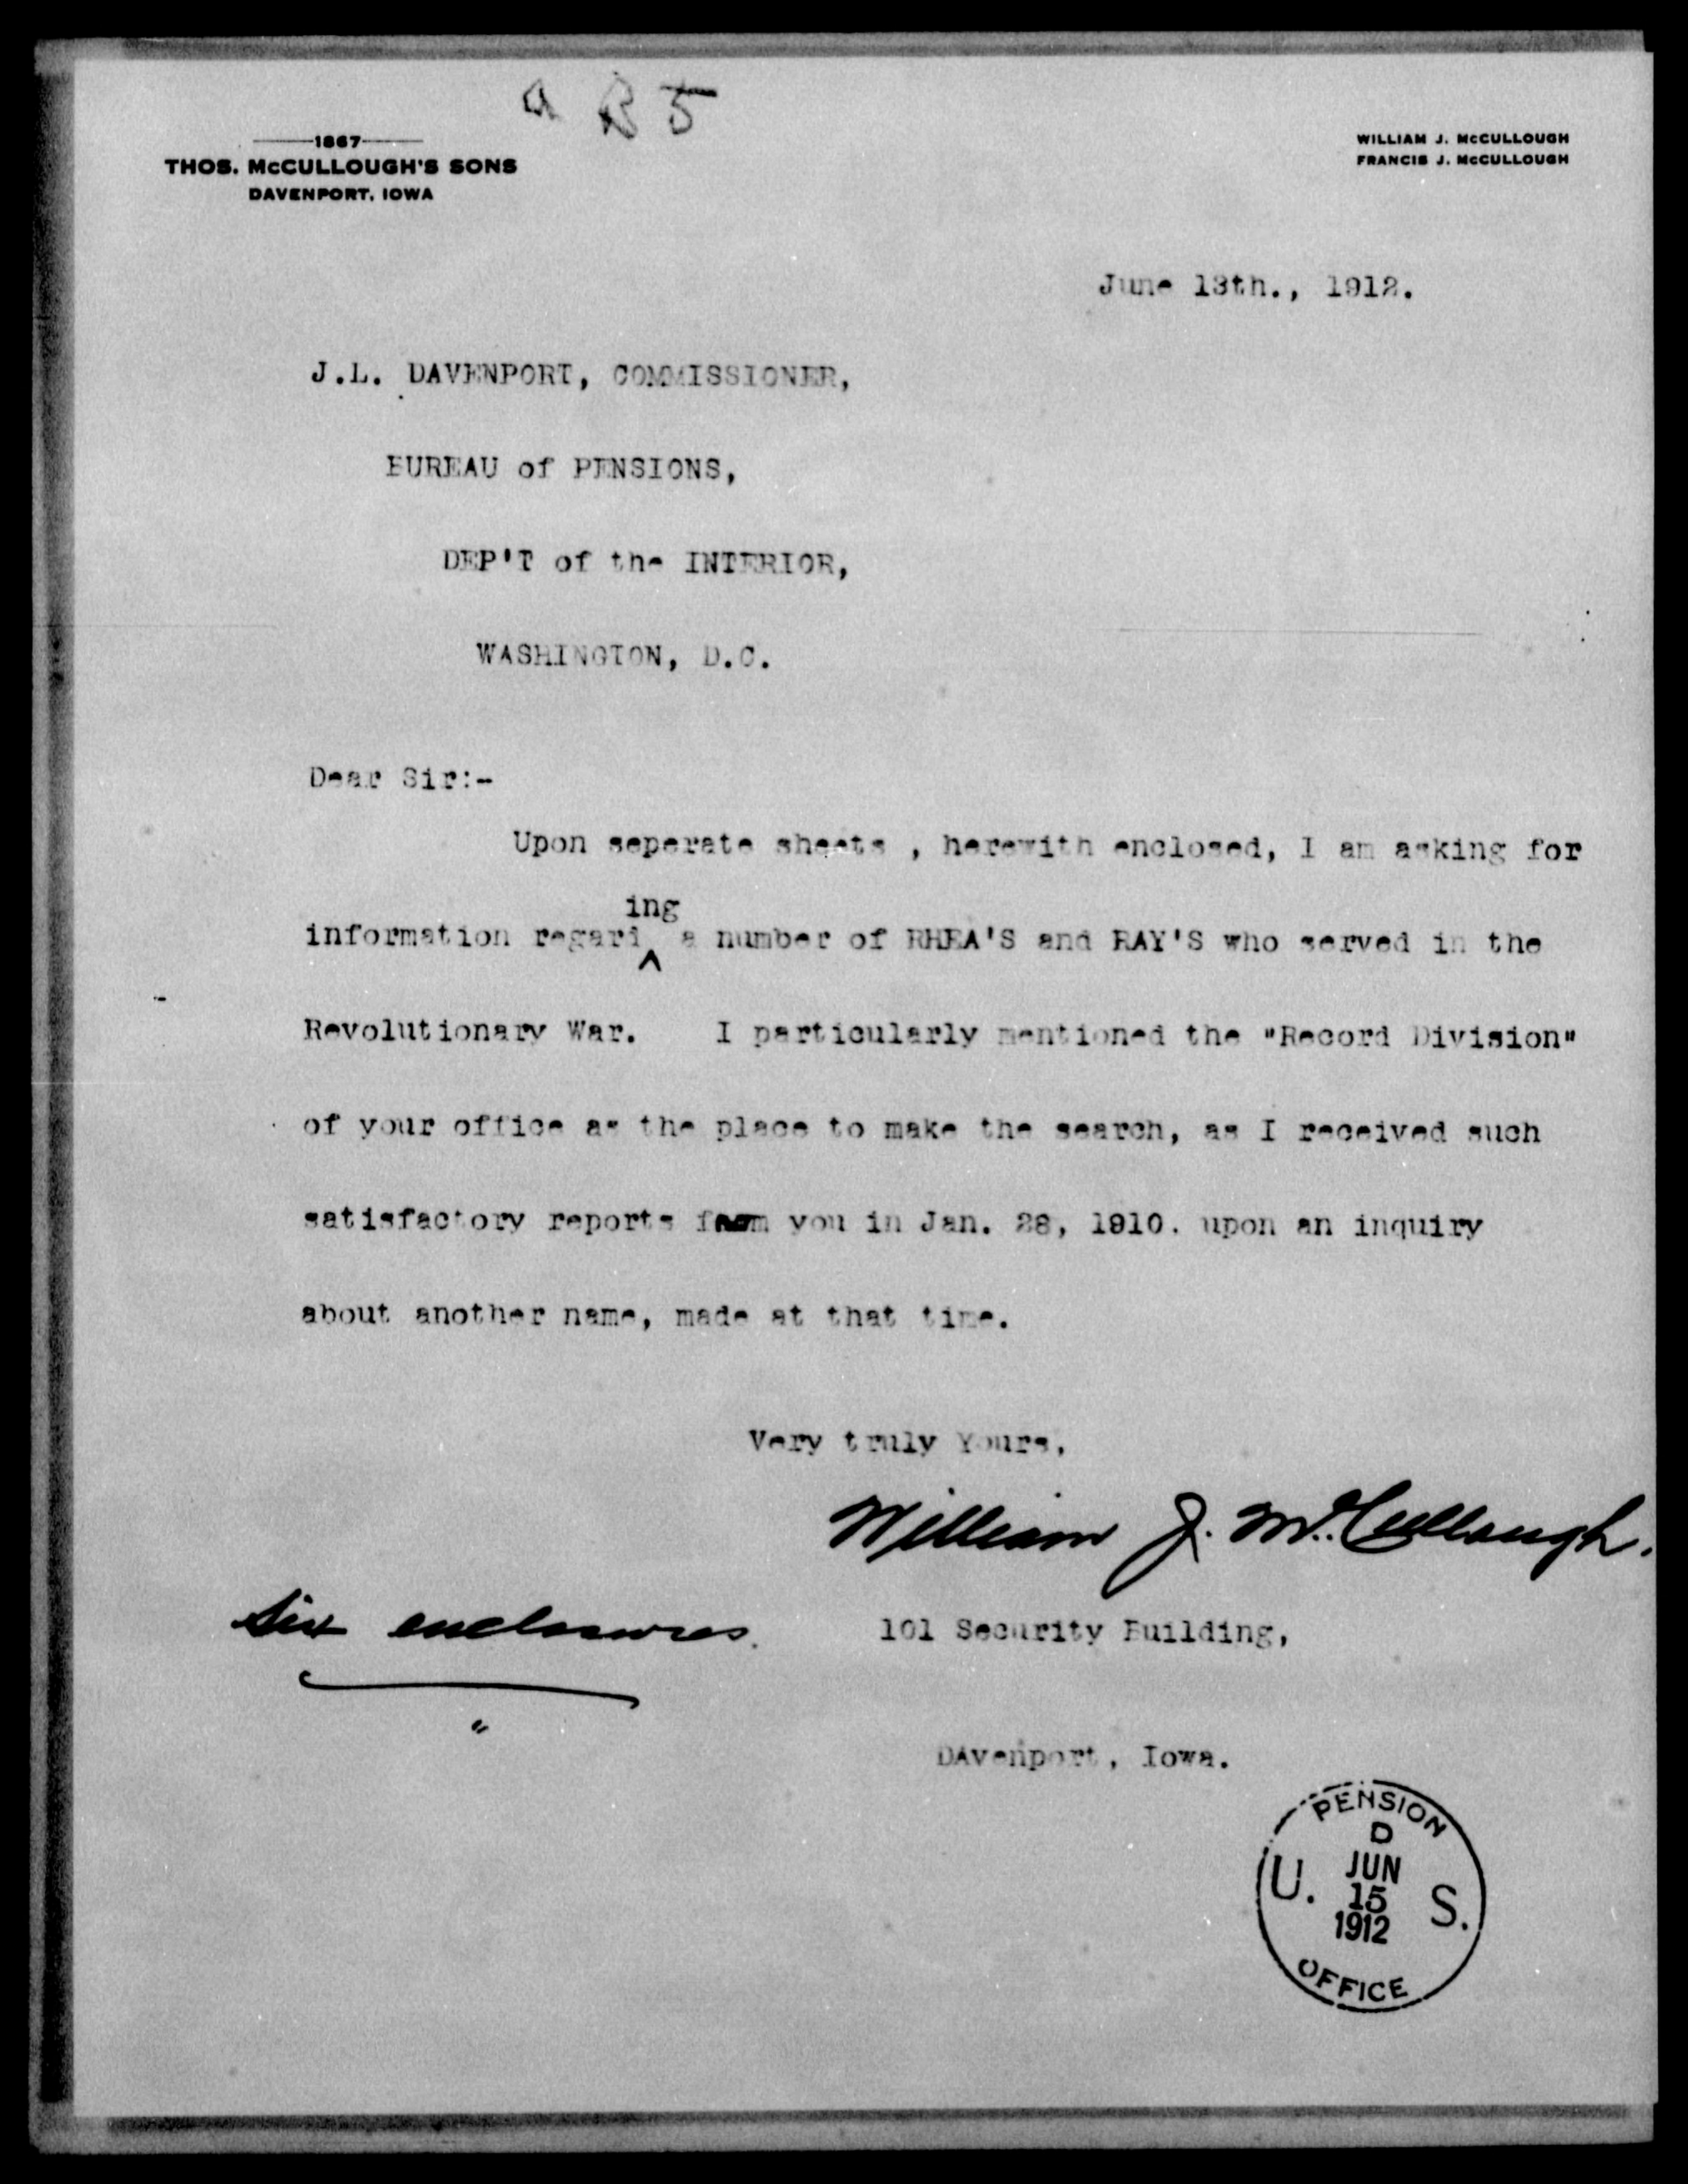AB5
1867
THOS. McCULLOUGH'S SONS
DAVENPORT, IOWA

WILLIAM J. McCULLOUGH
FRANCIS J. McCULLOUGH

June 13th., 1912.

J. L. DAVENPORT, COMMISSIONER,
FUREAU OF PENSIONS,
DEP'T of the INTERIOR,
WASHINGTON, D. C.

Dear Sir:-

Upon separate sheets, herewith enclosed, I am asking for
information regarding a number of RHEA'S and RAY'S who served in the
Revolutionary War. I particularly mentioned the "Record Division"
of your office at the place to make the search, as I received such
satisfactory report from you in Jan. 28, 1910, upon an inquiry
about another name, made at that time.

Very truly yours,
William J. McCullough
101 Security Building,
Davenport, Iowa.

Six enclosures

[Stamp] U. S. PENSION OFFICE D JUN 15 1912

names: William J Mc Cullaugh; Thos Mc Cullough; [BLANK] Rhea; J L Davenport; [BLANK] Ray; Francis J Mc Cullough; William J Mc Cullough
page: 16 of 21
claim: survivor's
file: S. 33,554, for David Rhea, New Jersey